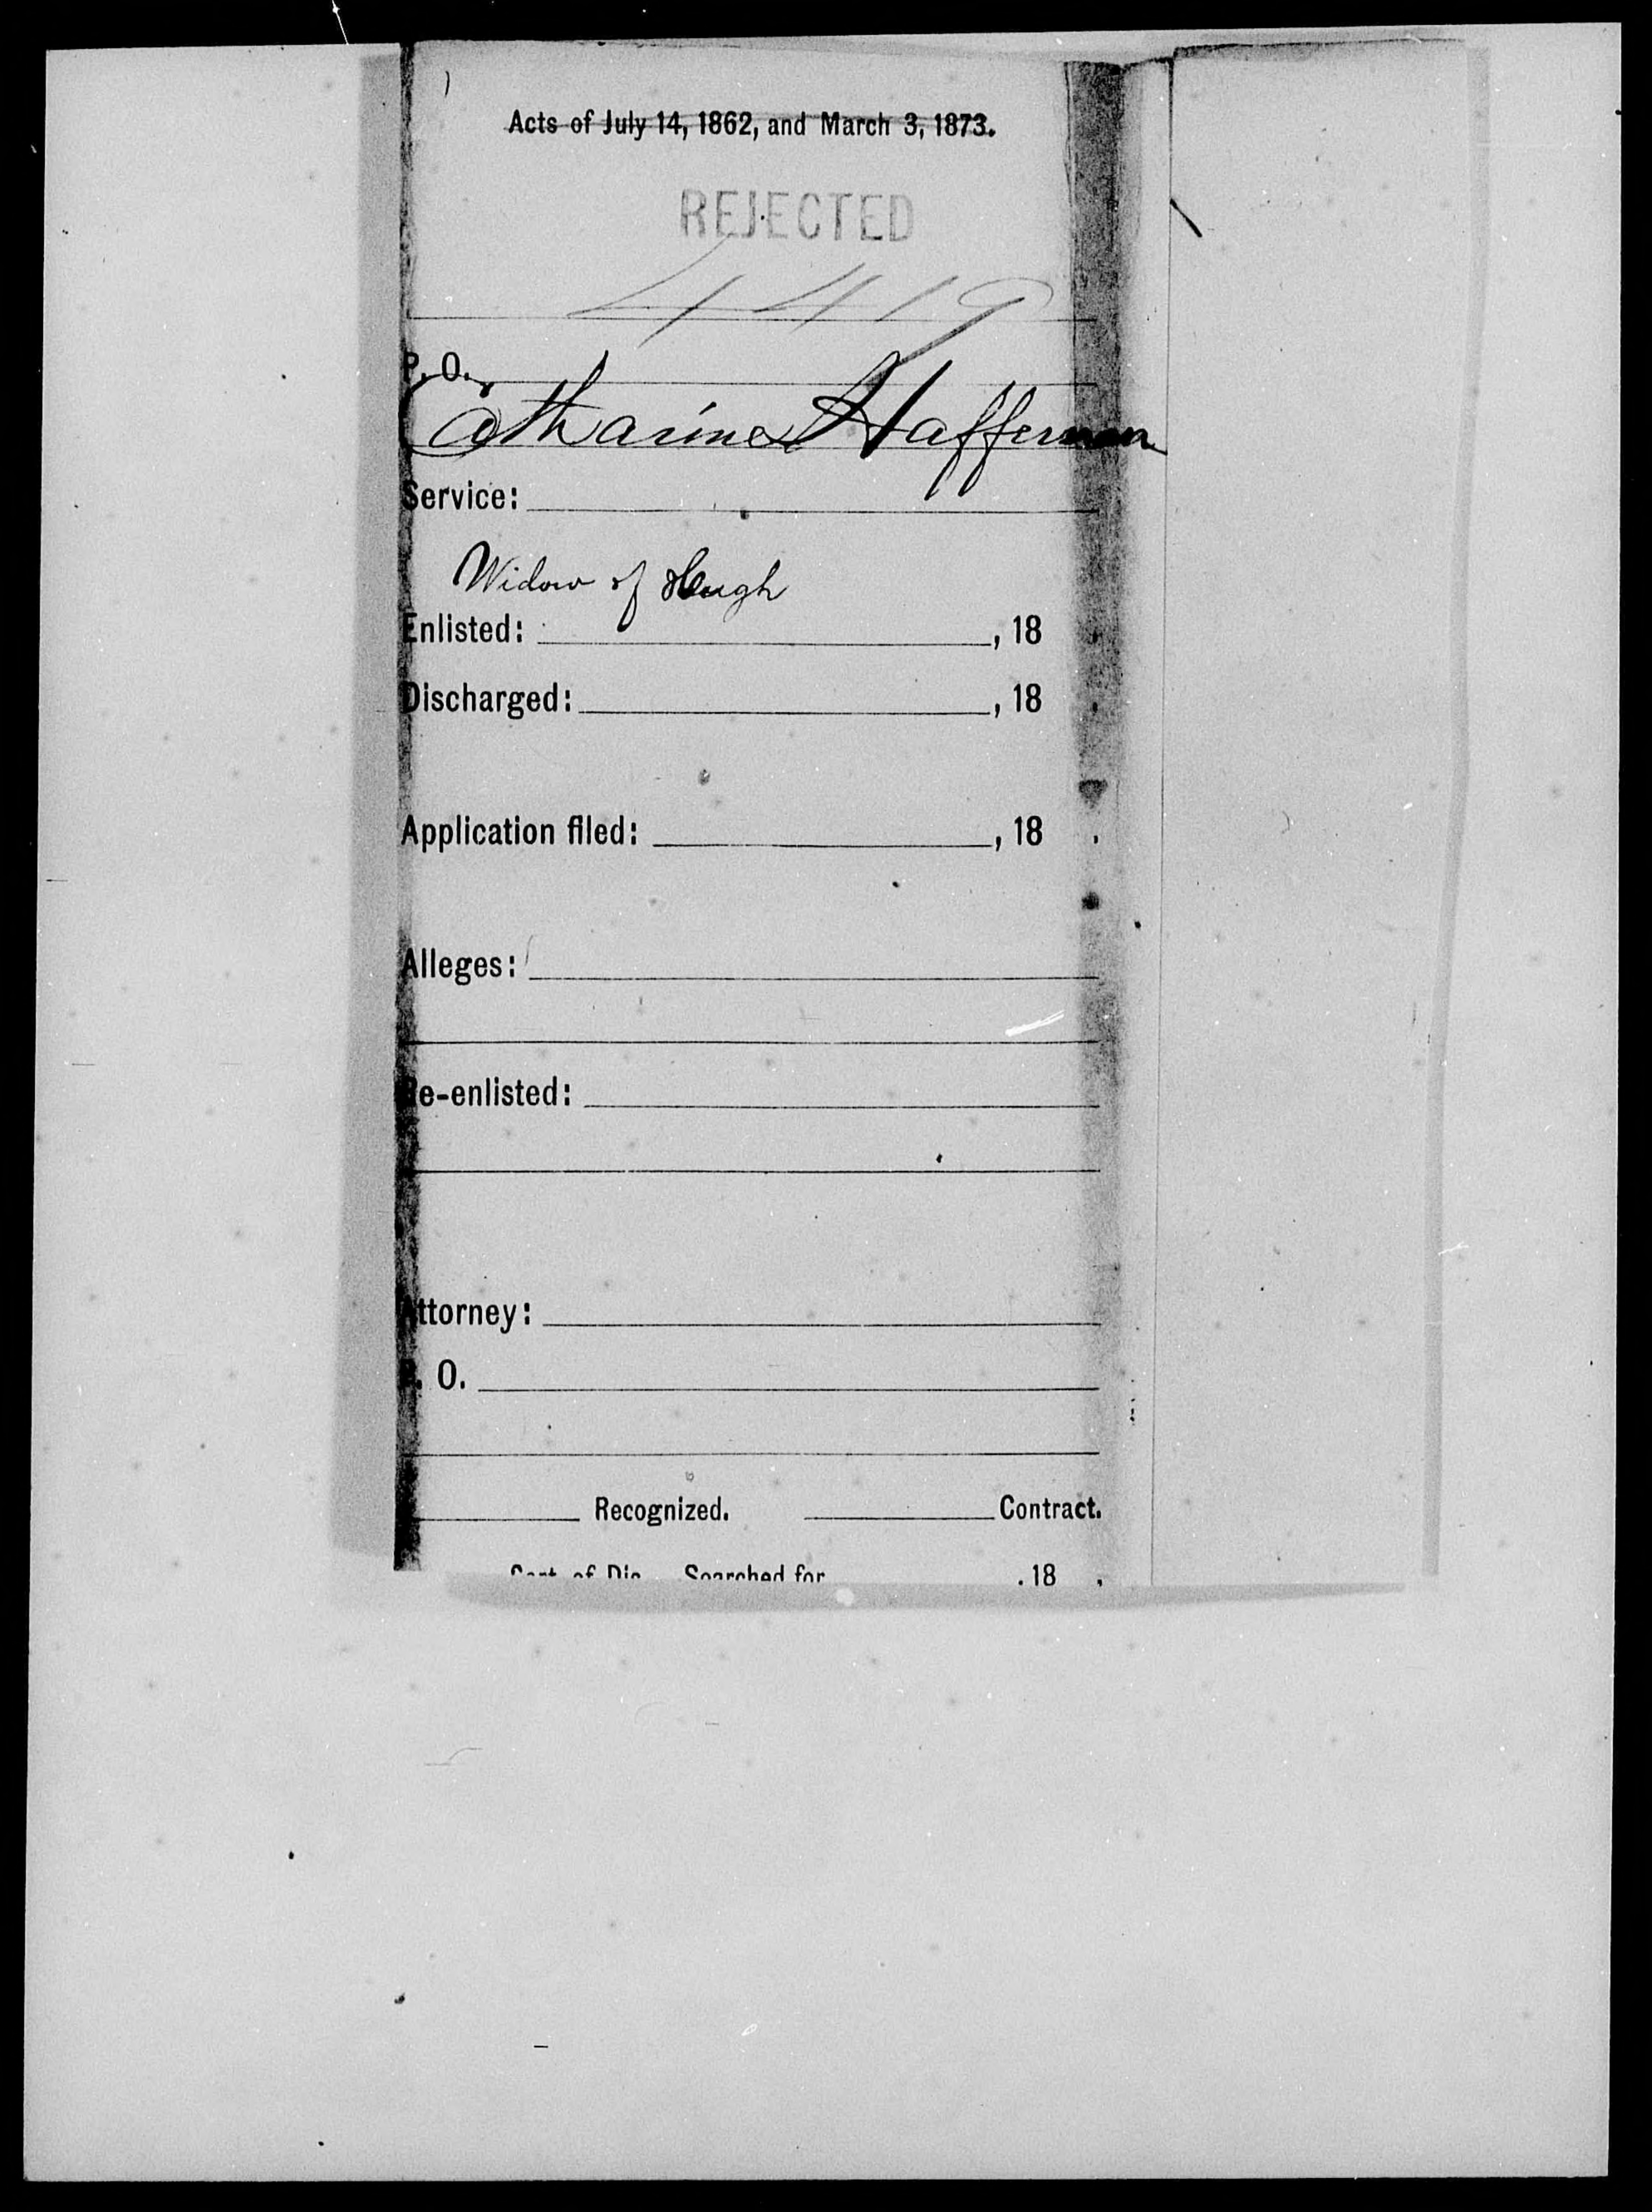REJECTED
4419
Cathaerine Hafferman
Widow of Hugh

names: Catharine Haffernan, Hugh Haffernan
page: 14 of 21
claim: rejected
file: R. 4419, Hugh Haffernan, Penn.